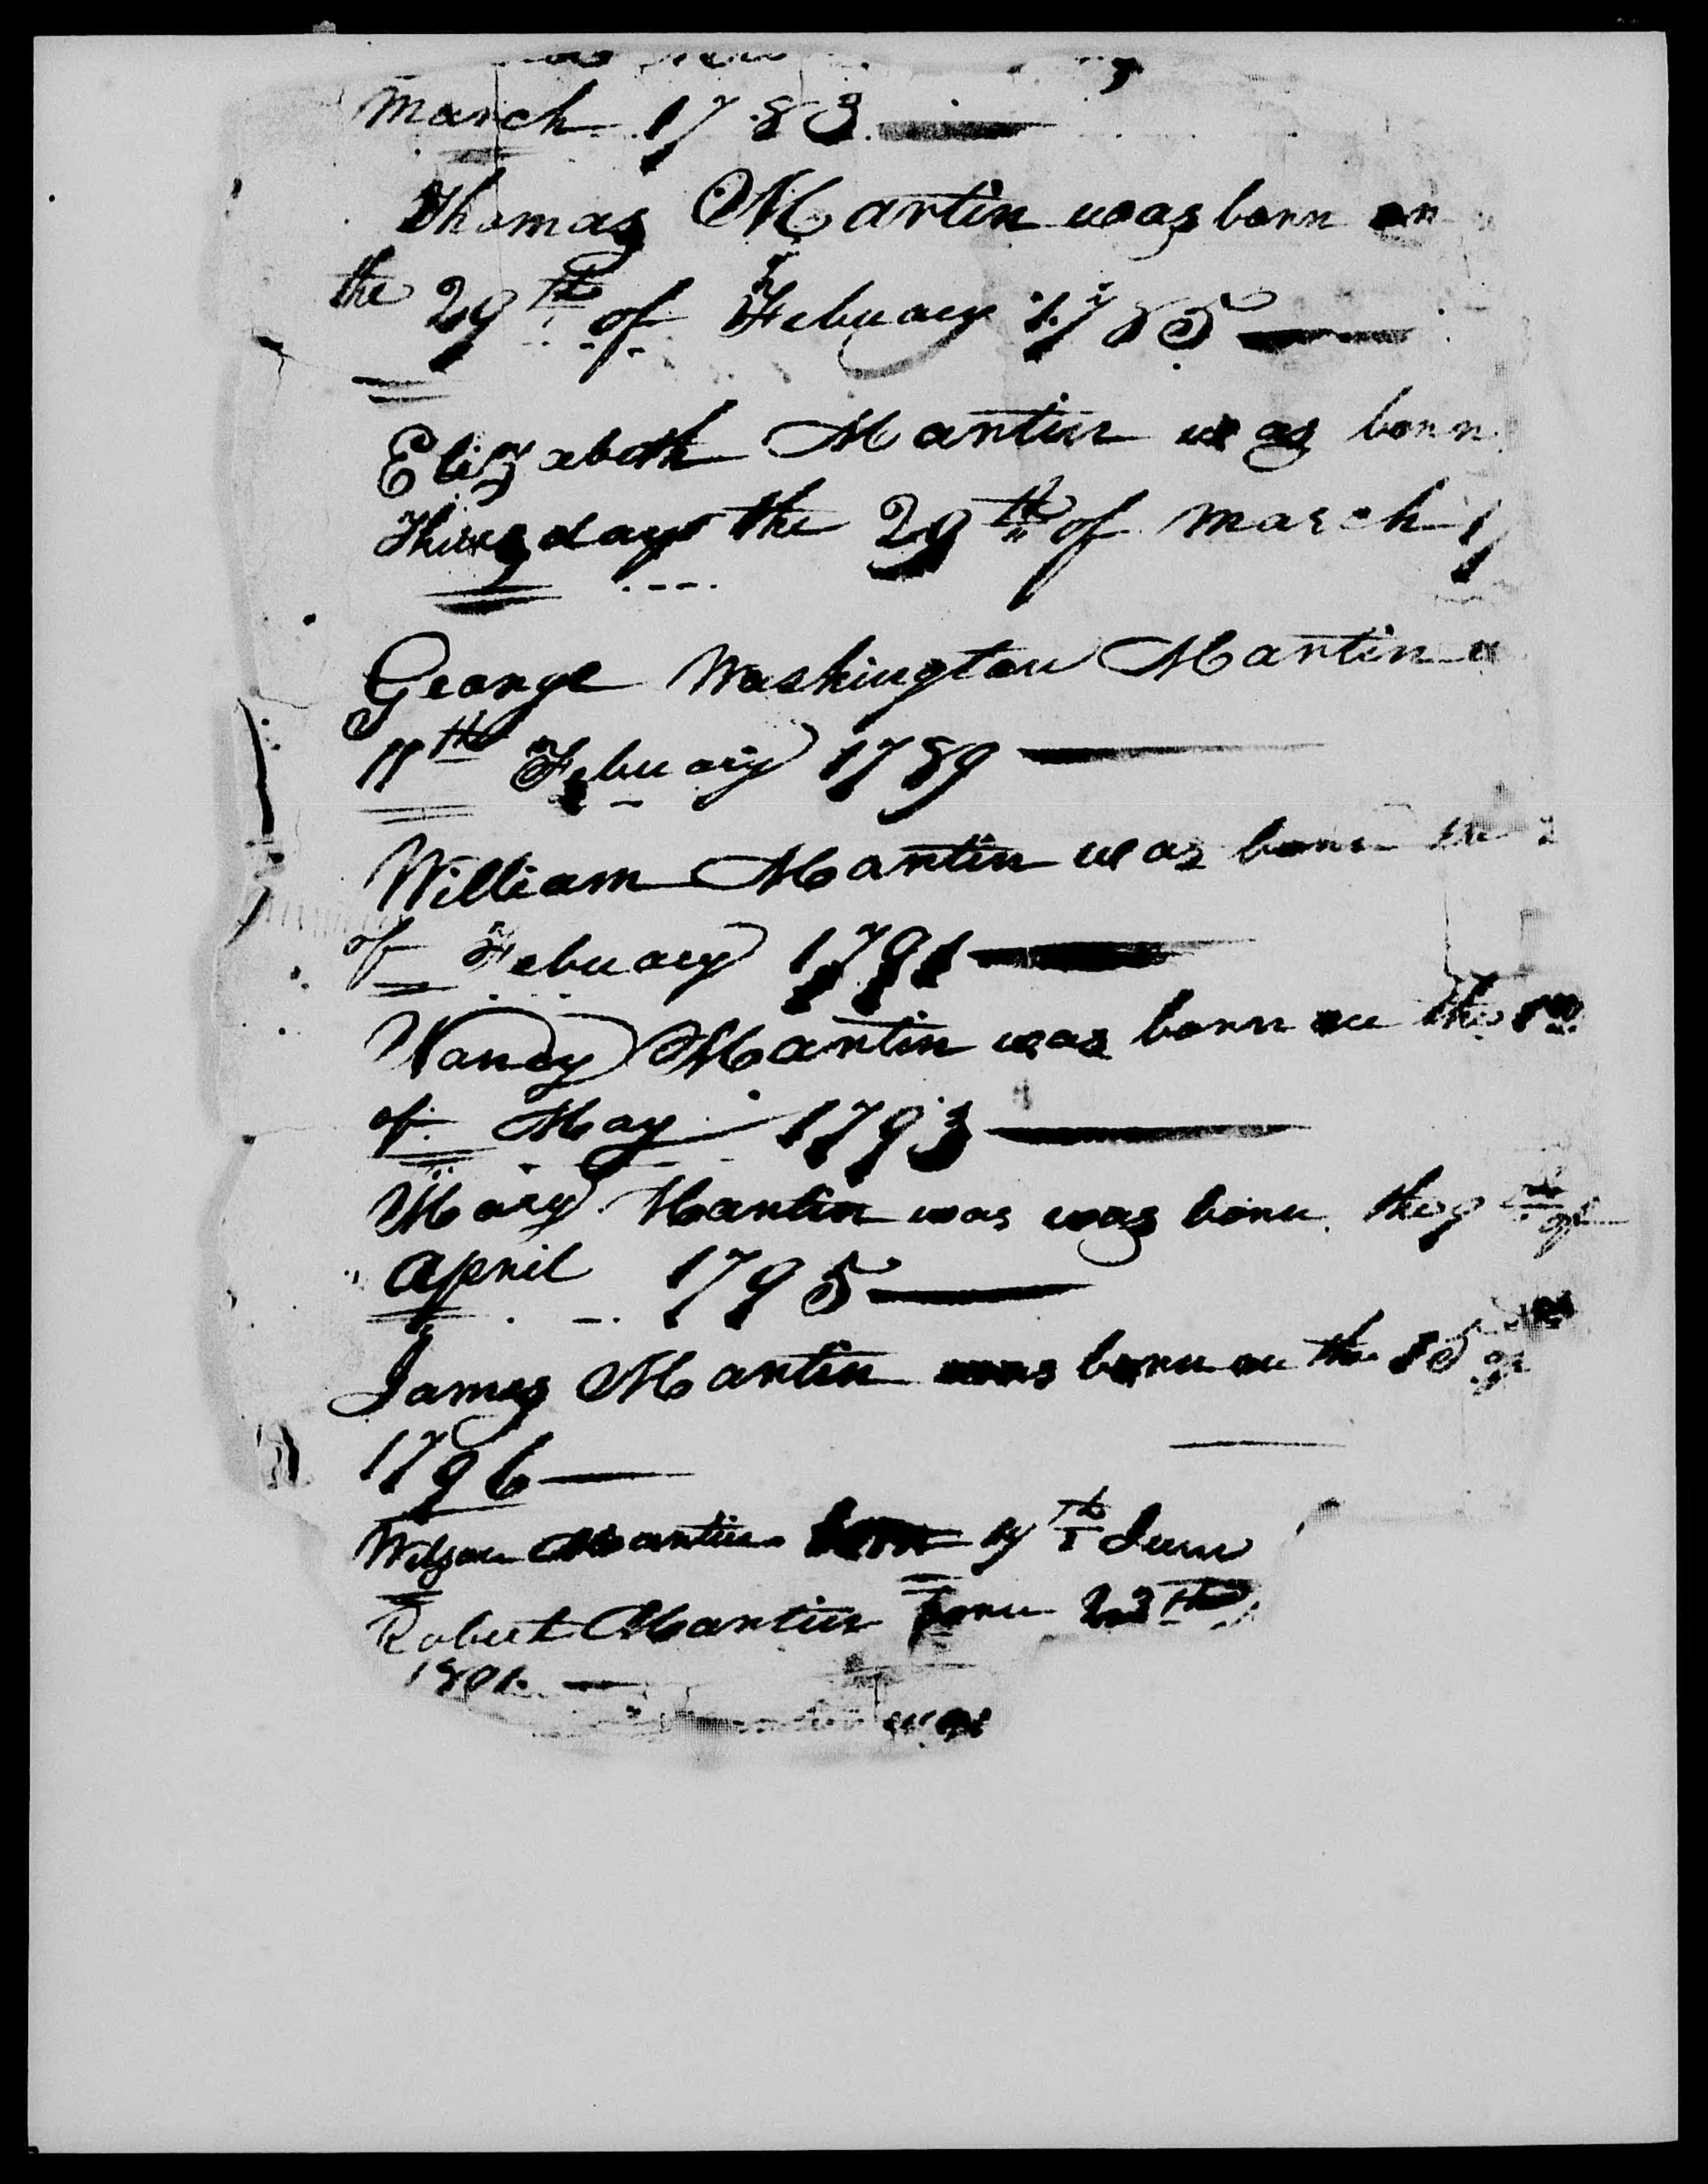[page damage] 
March 1783 
Thomas Martin was born on 
the 29th of Febuary 1785 

Elizabeth Martin was born 
Thursday the 29th of March [illegible] 

George Washington Martin [illegible] 
11th Febuary [February] 1789 

William Martin was born [illegible] 
of Febuary [February] 1791 

Nancy Martin was born on the [illegible] 
of May 1793 

Mary Martin was was born the 9th of 
April 1795
 
James Martin was born on the 15th of [illegible] 
1796 

Wilson Martin born 7th June [page damage] 

Robert Martin born [page damage] 
180[page damage]

[page damage]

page: 16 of 120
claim: widow's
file: W. 1044, for Salathiel Martin, North Carolina